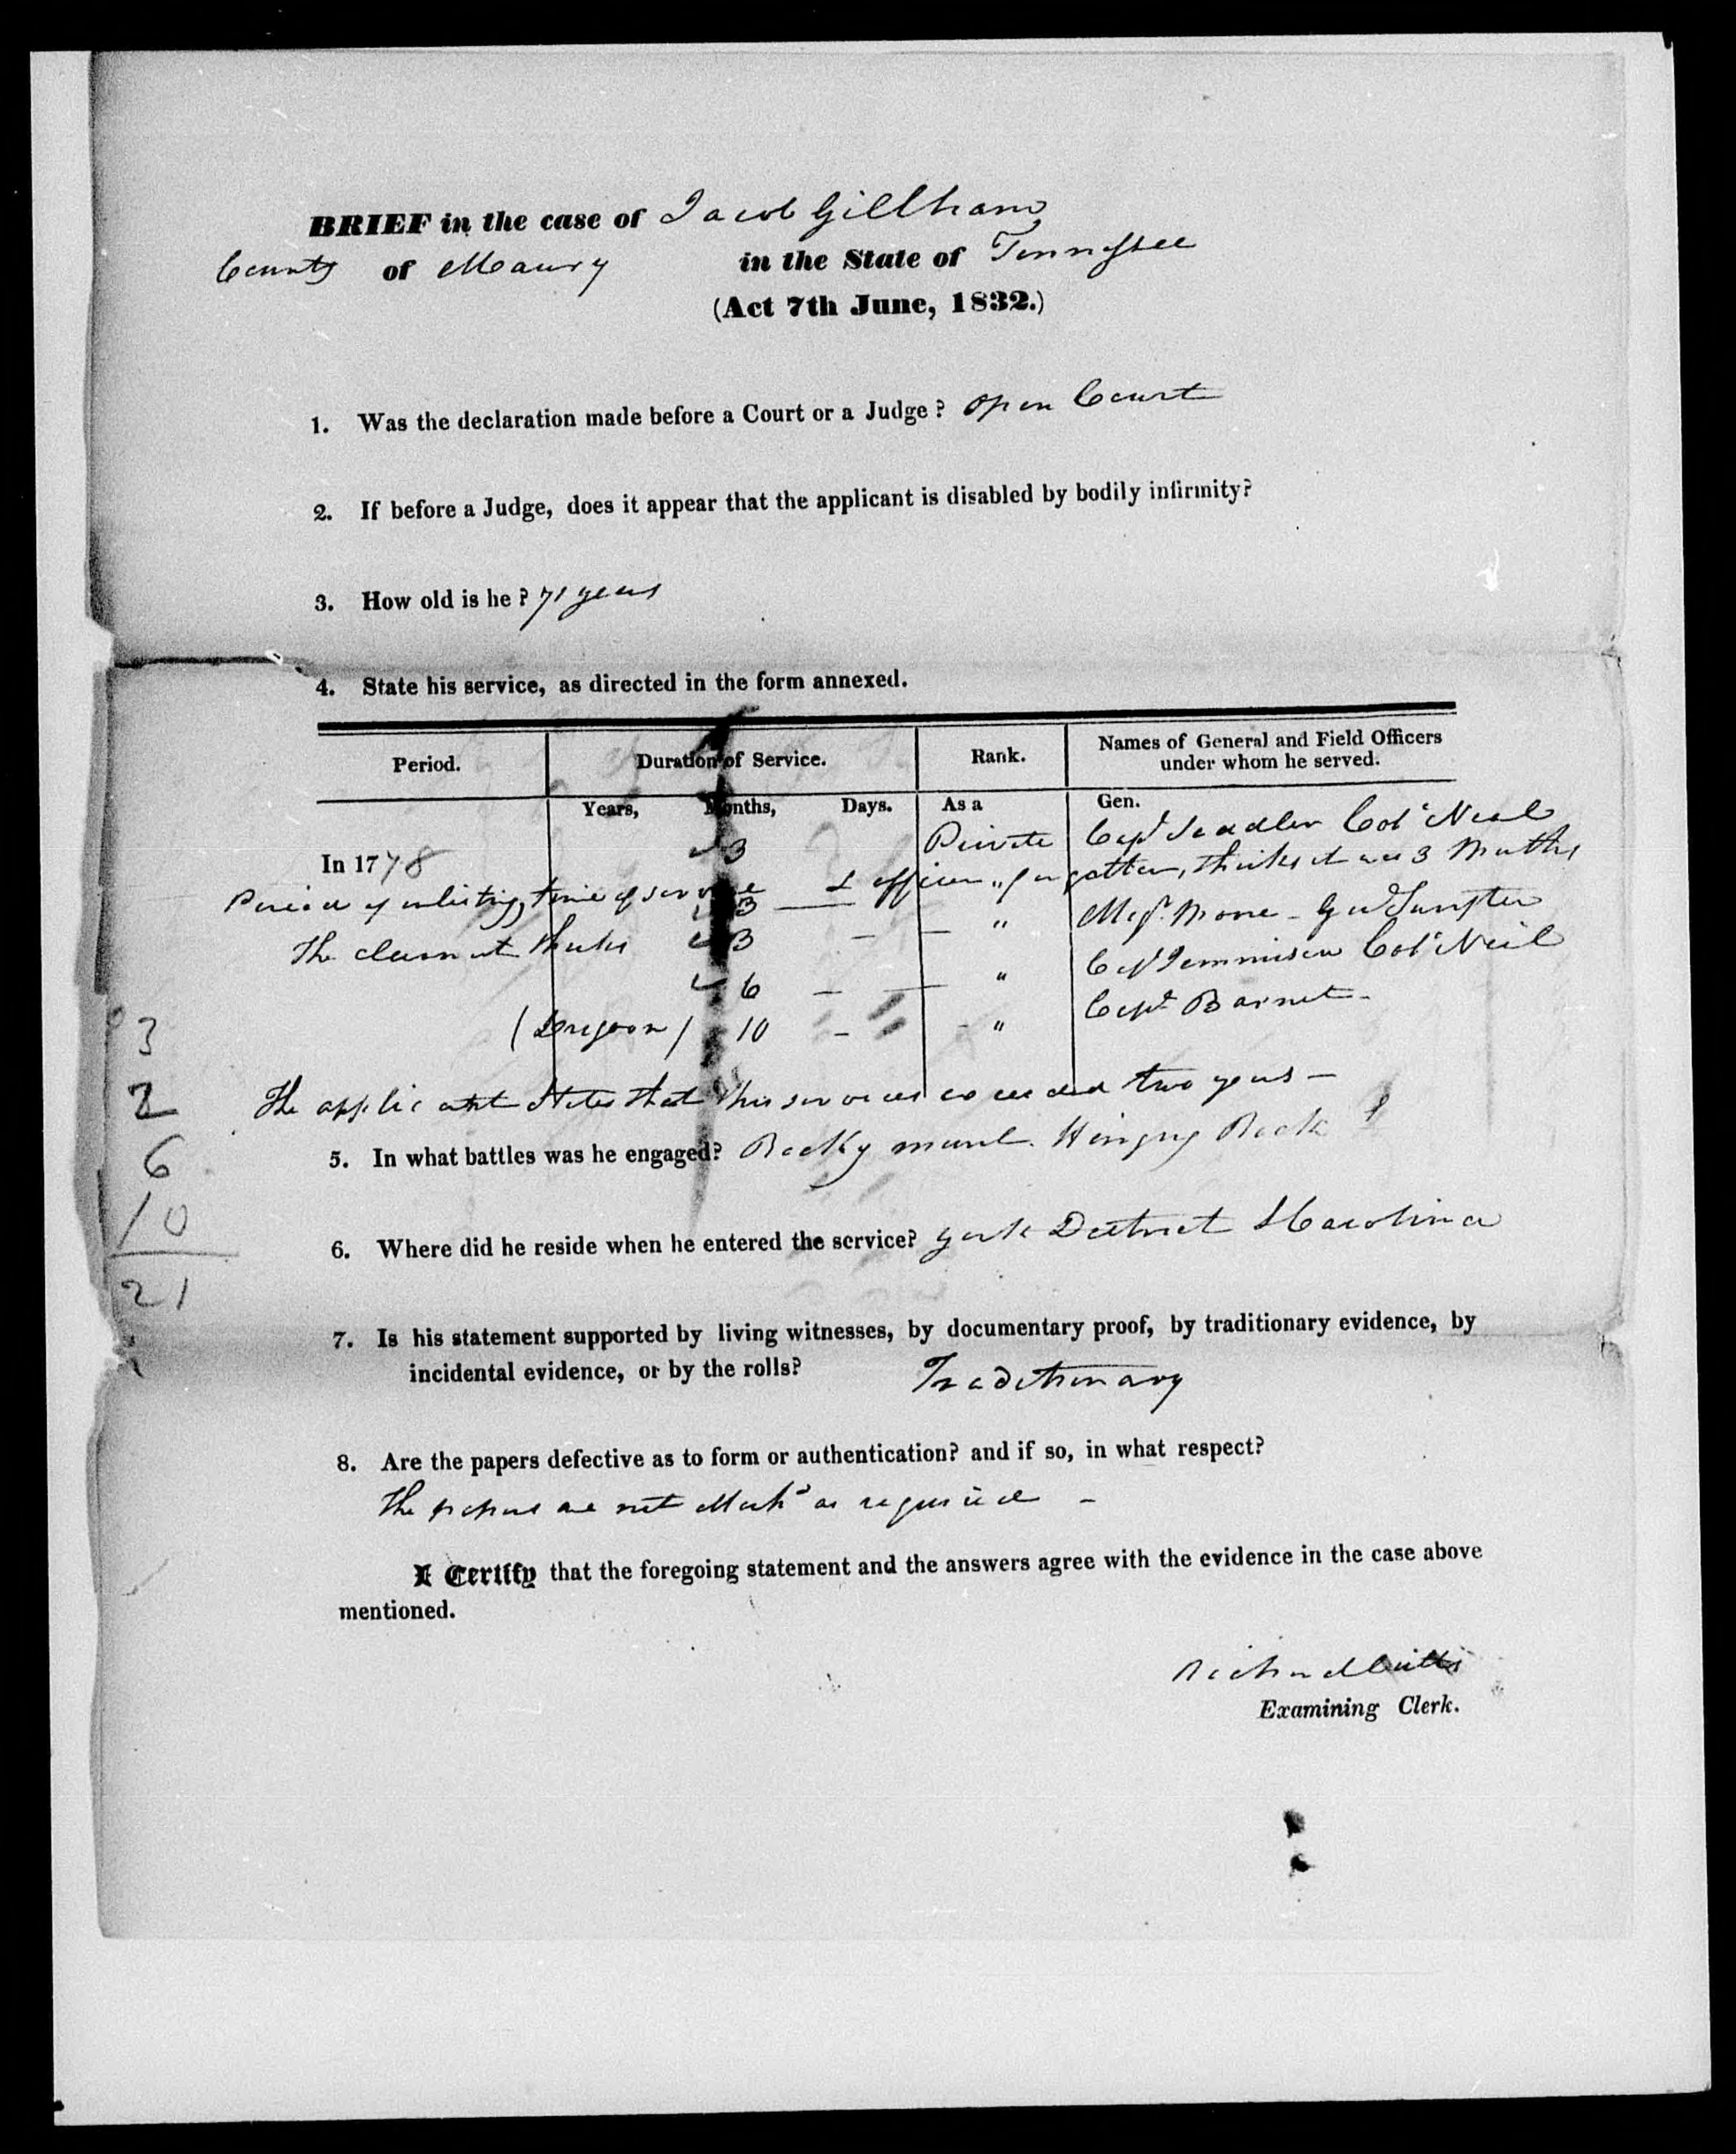BRIEF in the case of Jacob Gillham County of Maury in the state of Tennessee
(Act 7th June, 1832)

1. Was the declaration made before a Court or a Judge? open court
2.  If before a Judge, does it appear that the applicant is disabled by bodily infirmity?
3.  How old is he? 71 years
4.  State his service, as direct in the form annexed.

Period / Duration of Service / Rank / Names of General and Field officers under whom he served
In 1778 3 months as a private Capt Saddler Col Neal
period of enlisting time of service & officer forgotten thinks it was 3 months
The claimant thinks 3 months " " Megr Moore Genl Sumpter
6 Months " " Capt Jemmison Col Neal
{Dragoon) 10 months " " Capt Barnet
The applicant states that his services co ces ded two years

[in left margin
3
2
6
10
21]

5.  In what battles was he engaged? Rocky Mount Hanging Rock
6.  Where did he reside when he entered the service? York District S Carolina
7.  Is his statement supported by living witnesses, by documentary proof, by traditionary evidence, by incidental evidence, or by the rolls? Traditionary
 8. Are the papers defective as to form or authentication? and if so, in what respect? The papers are not makd as required
I certify that the foregoing statement and the answers agree with the evidence in the case above mentioned.
Richard Cutts
Examining Clerk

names: Jemmison, Sumpter, Saddler, Barnet, Jacob Gillham, Neal, Neil, Moore, Richard Cutts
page: 4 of 17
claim: survivor's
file: S 3397, Jacob Gillham, S.C.